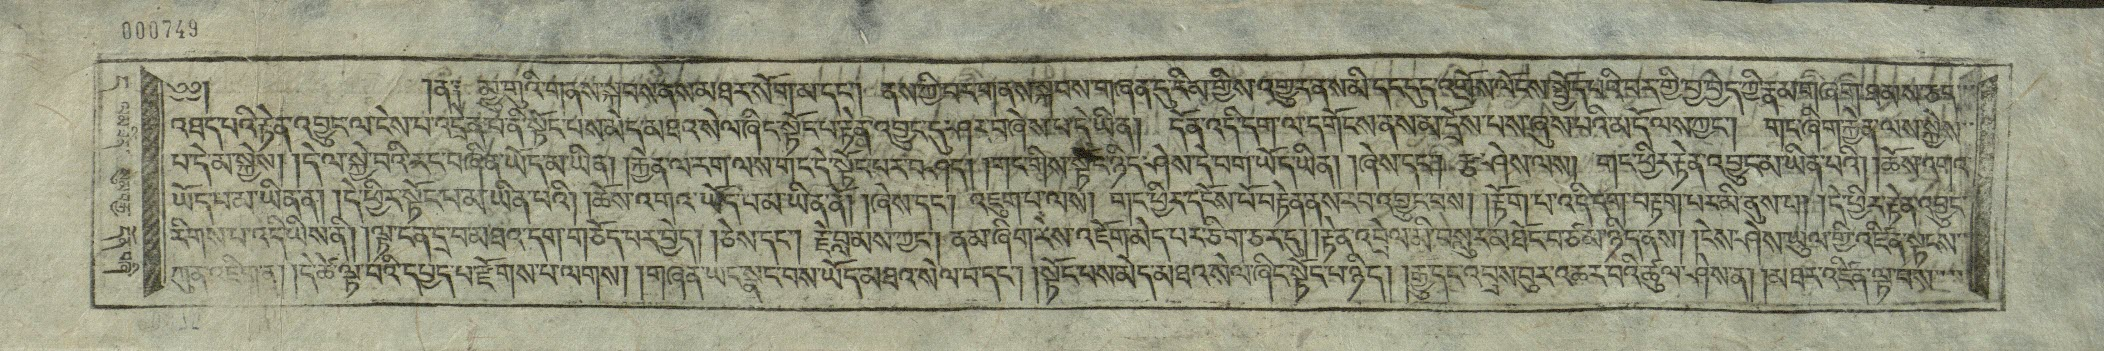༄༅། །ན༑ མྱུ་གུའི་གནས་སྐབས་ནས་མཐར་སོག་མ་དང་། ནས་ཀྱི་བར་གནས་སྐབས་གཞན་དུ་རིམ་གྱིས་འགྱུར་ནས་མི་དང་དུད་འགྲོས་ལོངས་སྤྱོད་པའི་བར་གྱི་བྱ་བྱེད་ཀྱི་རྣམ་གཞག་ཐམས་ཅད་
འཐད་པའི་རྟེན་འབྱུང་ལ་ངེས་པ་འདྲེན་པ་ནི་སྟོང་པས་མེད་མཐའ་སེལ་ཞིང་སྟོང་པ་རྟེན་འབྱུང་དུ་ཤར་བ་ཞེས་པ་དེ་ཡིན། དོན་འདི་དག་ལ་དགོངས་ནས་མ་དྲོས་པས་ཞུས་པའི་མདོ་ལས་ཀྱང་། གང་ཞིག་རྐྱེན་ལས་སྐྱེས་
པ་དེ་མ་སྐྱེས། །དེ་ལ་སྐྱེ་བའི་རང་བཞིན་ཡོད་མ་ཡིན། །རྐྱེན་ལ་རག་ལས་གང་དེ་སྟོང་པར་བཤད། །གང་གིས་སྟོང་ཉིད་ཤེས་དེ་བག་ཡོད་ཡིན། །ཞེས་དང་། རྩ་ཤེས་ལས། གང་ཕྱིར་རྟེན་འབྱུང་མ་ཡིན་པའི། །ཆོས་འགའ་
ཡོད་པ་མ་ཡིན་ན། །དེ་ཕྱིར་སྟོང་པ་མ་ཡིན་པའི། །ཆོས་འགའ་ཡོད་པ་མ་ཡིན་ནོ། །ཞེས་དང་། འཇུག་པ་ལས། གང་ཕྱིར་དངོས་པོ་བརྟེན་ནས་རབ་འབྱུང་བས། །རྟོག་པ་འདི་དག་བརྟག་པར་མི་ནུས་པ། །དེ་ཕྱིར་རྟེན་འབྱུང་
རིགས་པ་འདི་ཡིས་ནི། །ལྟ་ངན་དྲ་བ་མཐའ་དག་གཅོད་པར་བྱེད། །ཅེས་དང་། རྗེ་བླ་མས་ཀྱང་། ནམ་ཞིག་རེས་འཇོག་མེད་པར་ཅིག་ཅར་དུ། །རྟེན་འབྲེལ་མི་བསླུར་མཐོང་བ་ཙམ་ཉིད་ནས། །ངེས་ཤེས་ཡུལ་གྱི་འཛིན་སྟངས་
ཀུན་འཇིག་ན། །དེ་ཚེ་ལྟ་བའི་དཔྱད་པ་རྫོགས་པ་ལགས། །གཞན་ཡང་སྣང་བས་ཡོད་མཐའ་སེལ་བ་དང་། །སྟོང་པས་མེད་མཐའ་སེལ་ཞིང་སྟོང་པ་ཉིད། །རྒྱུ་དང་འབྲས་བུར་འཆར་བའི་ཚུལ་ཤེས་ན། །མཐར་འཛིན་ལྟ་བས་